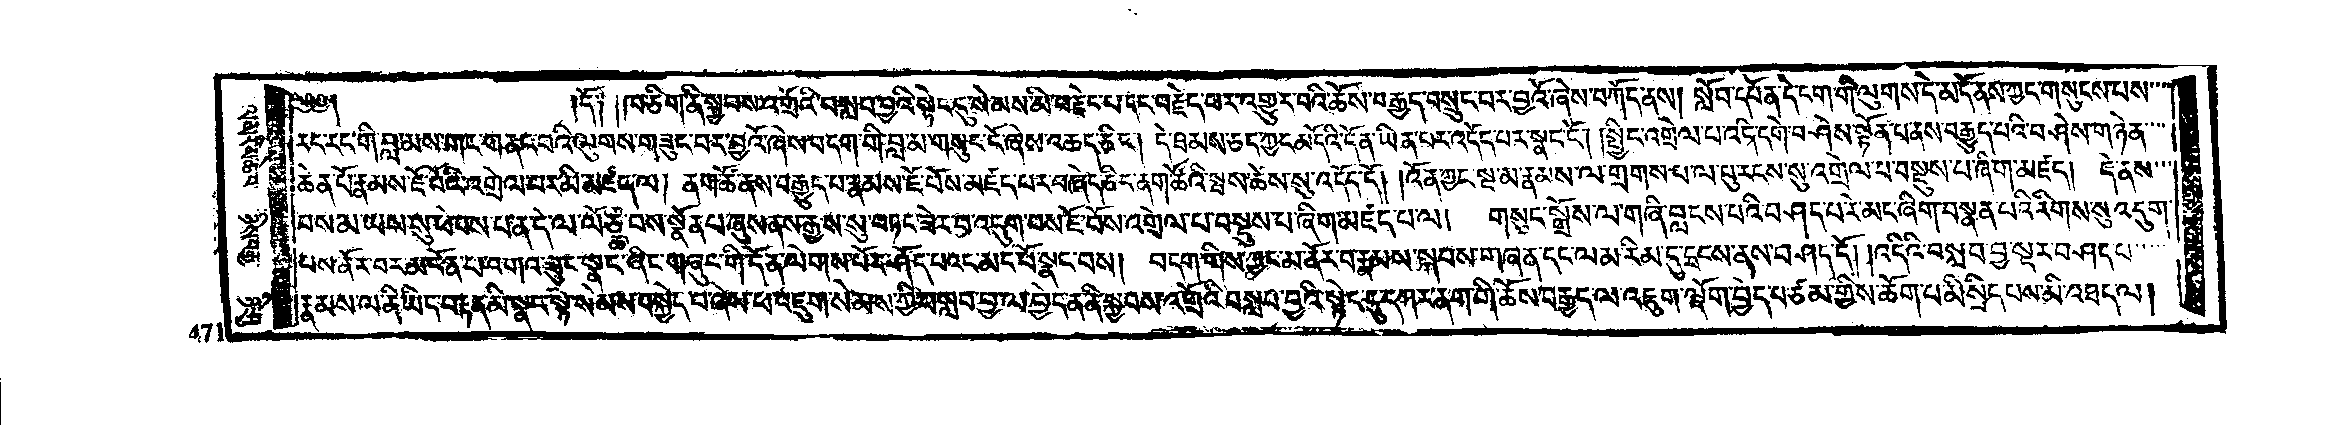༄༅། །དོ༑ ༑ཁ་ཅིག་ནི་སྐྱབས་འགྲོའི་བསླབ་བྱའི་སྟེང་དུ་སེམས་མི་བརྗེད་པ་དང་བརྗེད་པར་འགྱུར་བའི་ཆོས་བརྒྱད་བསྲུང་བར་བྱའོ་ཞེས་བཀོད་ནས། སློབ་དཔོན་དེ་དག་གི་ལུགས་དེ་མདོ་ནས་ཀྱང་གསུངས་པས་
རང་རང་གི་བླ་མས་གང་གནང་བའི་ལུགས་གཟུང་བར་བྱའོ་ཞེས་བདག་གི་བླ་མ་གསུང་ངོ་ཞེས་འཆད་ཅིང་། དེ་ཐམས་ཅད་ཀྱང་མདོའི་དོན་ཡིན་པར་འདོད་པར་སྣང་ངོ། །སྤྱིར་འགྲེལ་པ་འདི་དགེ་བཤེས་སྟོན་པ་ནས་བརྒྱུད་པའི་བཤེས་གཉེན་
ཆེན་པོ་རྣམས་ཇོ་བོའི་འགྲེལ་པར་མི་མཛད་ལ། ནག་ཚོ་ནས་བརྒྱུད་པ་རྣམས་ཇོ་བོས་མཛད་པར་བཞེད་ཅིང་ནག་ཚོའི་སྦས་ཆོས་སུ་འདོད་དོ། །འོན་ཀྱང་སྔ་མ་རྣམས་ལ་གྲགས་པ་ལ་པུ་རངས་སུ་འགྲེལ་པ་བསྡུས་པ་ཞིག་མཛད། དེ་ནས་
བསམ་ཡས་སུ་ཕེབས་པ་ན་དེ་ལ་ལོ་ཙྪ་བས་སྣོན་པ་ཞུས་ནས་རྒྱས་སུ་བཏང་ཟེར་བ་འདུག་པས་ཇོ་བོས་འགྲེལ་པ་བསྡུས་པ་ཞིག་མཛད་པ་ལ། གསུང་སྒྲོས་ལ་གཞི་བླངས་པའི་བཤད་པ་རེ་མང་ཞིག་བསྣན་པའི་རིགས་སུ་འདུག་
པས་ནོར་བར་མངོན་པ་འགའ་ཟུང་སྣང་ཞིང་གཞུང་གི་དོན་ལེགས་པོར་ཤོད་པའང་མང་པོ་སྣང་བས། བདག་གིས་ཀྱང་མ་ནོར་བ་རྣམས་སྐབས་གཞན་དང་ལམ་རིམ་དུ་དྲངས་ནས་བཤད་དོ། །འདིའི་བསླབ་བྱ་སྔར་བཤད་པ་
རྣམས་ལ་ནི་ཡིད་བརྟན་མི་སྣང་སྟེ་སེམས་བསྐྱེད་པ་ཞེས་པ་འཇུག་སེམས་ཀྱི་བསླབ་བྱ་ལ་བྱེད་ན་ནི་སྐྱབས་འགྲོའི་བསླབ་བྱའི་སྟེང་དུ་དཀར་ནག་གི་ཆོས་བརྒྱད་ལ་འཇུག་ལྡོག་བྱེད་པ་ཙམ་གྱིས་ཆོག་པ་མི་སྲིད་བས་མི་འཐད་ལ།